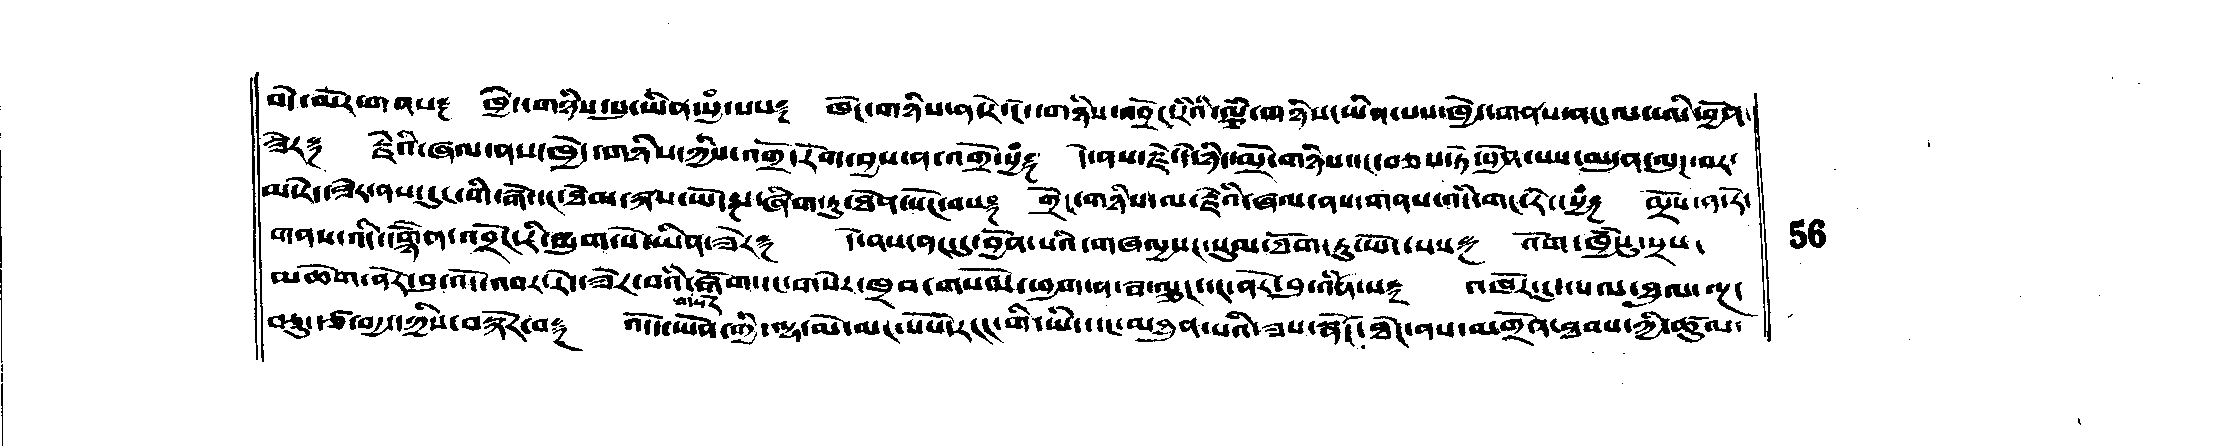བདེ་མོར་གནས། ཁྱེད་གཉིས་སུ་ཡིན་གསུངས་པས། ཁོང་གཉིས་ན་རེ་ངེད་གཉིས་འབྲོང་རིའི་ལྕམ་གཉིས་ཡིན་པས་ཁྱེད་གནས་ནང་ལ་ཨི་བྱོན་
ཟེར། རྗེའི་ཞལ་ནས་ཁྱེད་གཉིས་ཀྱིས་འགྲོ་རོགས་བྱས་ན་འགྲོ་གསུང་། དེ་ནས་རྗེ་དེ་ཉིད་མཁའ་འགྲོ་གཉིས་དང་བཅས་ཏེ་བྱོན་པས་མདུན་ལུང་བར་
མ་རེད་ཟེར་ནས་དུང་གི་སྒོ་དང་ཐེམ་སྐས་ཡོད་པ་ཞིག་ཏུ་ཐོན་སོང་བས། གྲོགས་གཉིས་ལ་རྗེའི་ཞལ་ནས་གནས་འདི་གང་རེད་གསུང་། མཁའ་འགྲོས་ན་རེ་
གནས་འདི་དགེ་བསྙེན་འབྲོང་རི་སྨུག་པོ་ཡིན་ཟེར། དེ་ནས་ནང་དུ་བྱོན་པའི་གཞལ་ཡས་ཁང་སུམ་ཐོག་ཏུ་ཡོད་པས། འོག་ཁྱམས་སུ་སྲས་
མཆོག་ནོར་བུ་འོད་འབར་རེད་ཟེར་བའི་གསེར་རྒོག་དང་གསེར་ཁྲབ་གསོལ་ཕྱག་ན་སྦ་ལྕག་དང་ནོར་བུ་འཛིན་པ།འཁོར་དུ་དཔལ་༼དཔའ?༽ཐུལ་ལྔ་
བཅུ་རྩ་བརྒྱད་ཀྱིས་བསྐོར་བ། འདོད་ཡོན་གྱི་ལྷ་མོ་མང་པོས་རང་རང་གི་ཡིད་དང་མཐུན་པའི་ཟས་སྣ་ཚོགས་ཐོགས་ནས་མགྲོན་ཐབས་ཀྱི་ཚུལ་